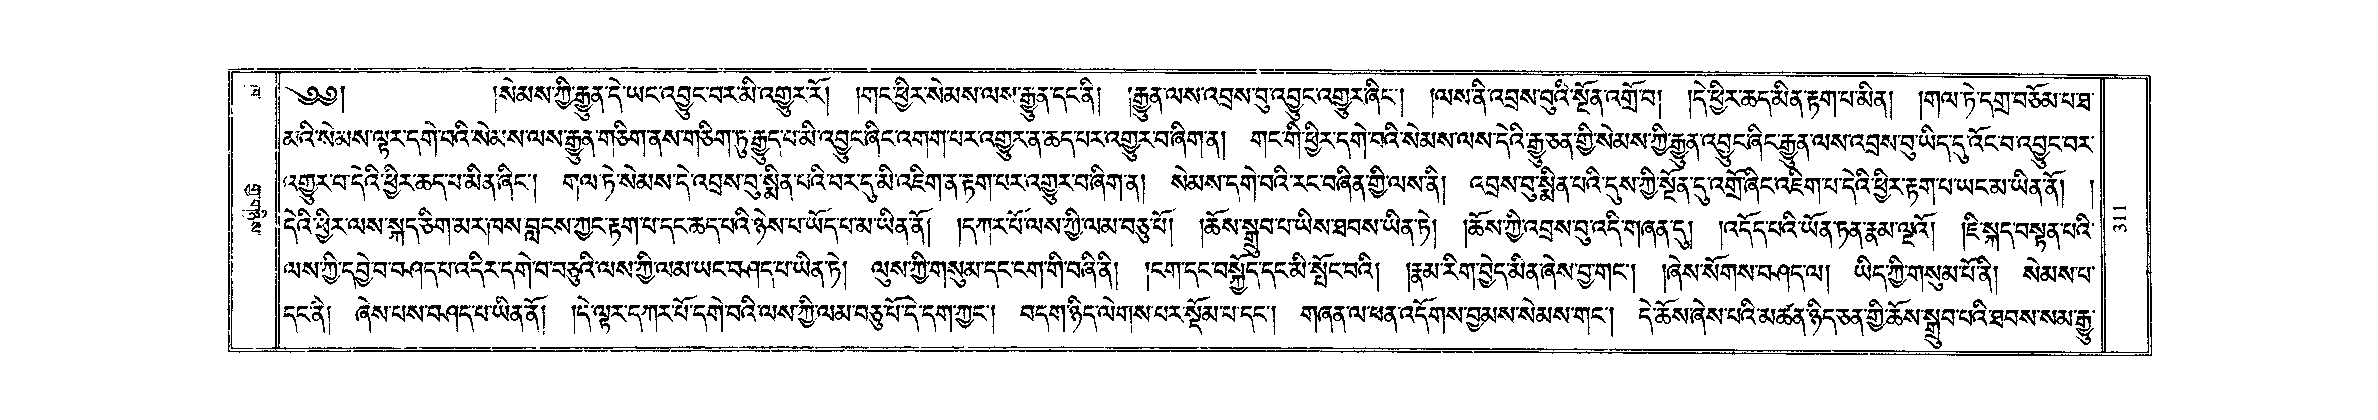༄༅། །སེམས་ཀྱི་རྒྱུན་དེ་ཡང་འབྱུང་བར་མི་འགྱུར་རོ། །གང་ཕྱིར་སེམས་ལས་རྒྱུན་དང་ནི། །རྒྱུན་ལས་འབྲས་བུ་འབྱུང་འགྱུར་ཞིང་། །ལས་ནི་འབྲས་བུའི་སྔོན་འགྲོ་བ། །དེ་ཕྱིར་ཆད་མིན་རྟག་པ་མིན། །གལ་ཏེ་དགྲ་བཅོམ་པ་ཐ་
མའི་སེམས་ལྟར་དགེ་བའི་སེམས་ལས་རྒྱུན་གཅིག་ནས་གཅིག་ཏུ་རྒྱུད་པ་མི་འབྱུང་ཞིང་འགག་པར་འགྱུར་ན་ཆད་པར་འགྱུར་བ་ཞིག་ན། གང་གི་ཕྱིར་དགེ་བའི་སེམས་ལས་དེའི་རྒྱུ་ཅན་གྱི་སེམས་ཀྱི་རྒྱུན་འབྱུང་ཞིང་རྒྱུན་ལས་འབྲས་བུ་ཡིད་དུ་འོང་བ་འབྱུང་བར་
འགྱུར་བ་དེའི་ཕྱིར་ཆད་པ་མིན་ཞིང་། གལ་ཏེ་སེམས་དེ་འབྲས་བུ་སྨིན་པའི་བར་དུ་མི་འཇིག་ན་རྟག་པར་འགྱུར་བ་ཞིག་ན། སེམས་དགེ་བའི་རང་བཞིན་གྱི་ལས་ནི། འབྲས་བུ་སྨིན་པའི་དུས་ཀྱི་སྔོན་དུ་འགྲོ་ཞིང་འཇིག་པ་དེའི་ཕྱིར་རྟག་པ་ཡང་མ་ཡིན་ནོ། །
དེའི་ཕྱིར་ལས་སྐད་ཅིག་མར་ཁས་བླངས་ཀྱང་རྟག་པ་དང་ཆད་པའི་ཉེས་པ་ཡོད་པ་མ་ཡིན་ནོ། །དཀར་པོ་ལས་ཀྱི་ལམ་བཅུ་པོ། །ཆོས་སྒྲུབ་པ་ཡིས་ཐབས་ཡིན་ཏེ། །ཆོས་ཀྱི་འབྲས་བུ་འདི་གཞན་དུ། །འདོད་པའི་ཡོན་ཏན་རྣམ་ལྔའོ། །ཇི་སྐད་བསྟན་པའི་
ལས་ཀྱི་དབྱེ་བ་བཤད་པ་འདིར་དགེ་བ་བཅུའི་ལས་ཀྱི་ལམ་ཡང་བཤད་པ་ཡིན་ཏེ། ལུས་ཀྱི་གསུམ་དང་ངག་གི་བཞི་ནི། །ངག་དང་བསྐྱོད་དང་མི་སྤོང་བའི། །རྣམ་རིག་བྱེད་མིན་ཞེས་བྱ་གང་། །ཞེས་སོགས་བཤད་ལ། ཡིད་ཀྱི་གསུམ་པོ་ནི། སེམས་པ་
དང་ནི། ཞེས་པས་བཤད་པ་ཡིན་ནོ། །དེ་ལྟར་དཀར་པོ་དགེ་བའི་ལས་ཀྱི་ལམ་བཅུ་པོ་དེ་དག་ཀྱང་། བདག་ཉིད་ལེགས་པར་སྡོམ་པ་དང་། གཞན་ལ་ཕན་འདོགས་བྱམས་སེམས་གང་། དེ་ཆོས་ཞེས་པའི་མཚན་ཉིད་ཅན་གྱི་ཆོས་སྒྲུབ་པའི་ཐབས་སམ་རྒྱུ་